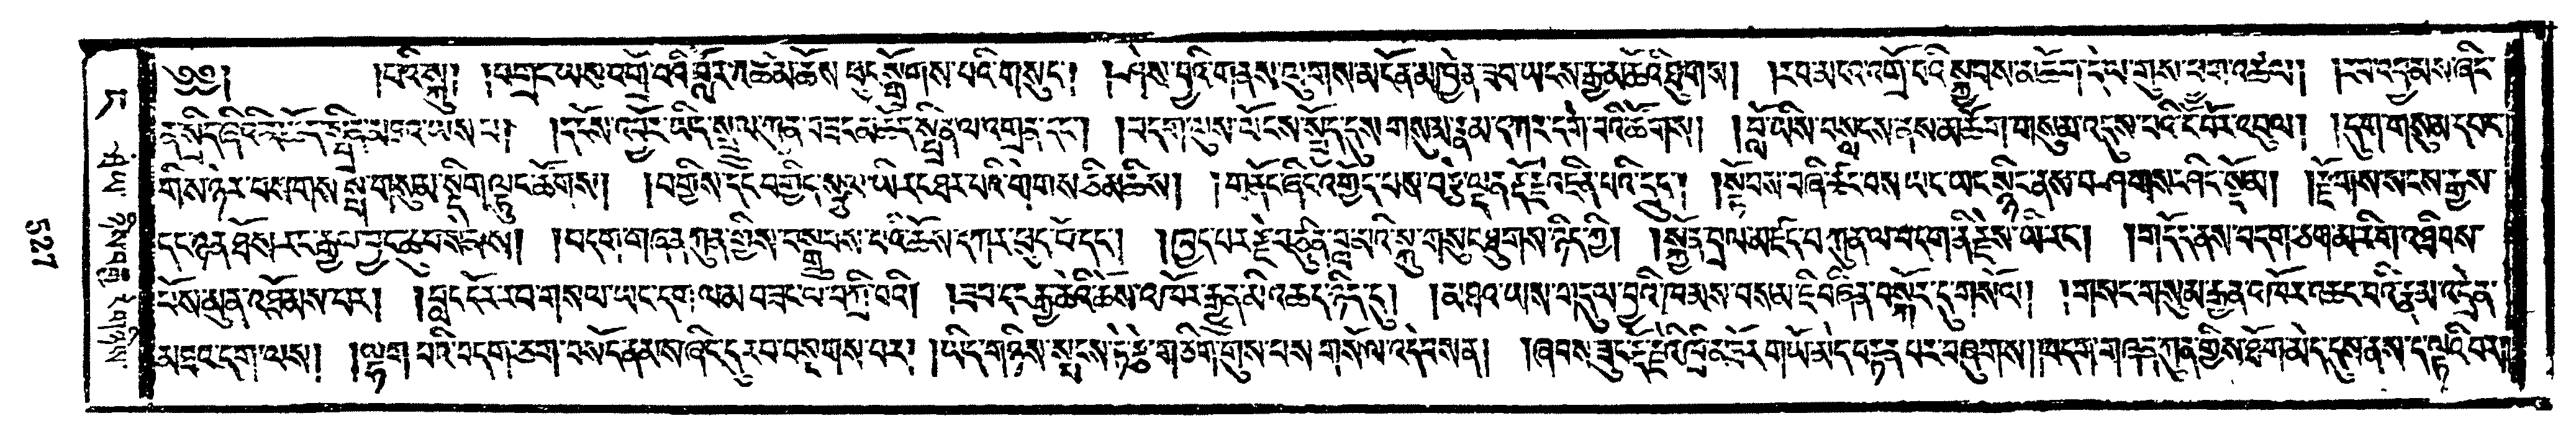༄༅། །པའི་སྐུ། །བགྲང་ཡས་འགྲོ་བའི་བློར་འཚམ་ཆོས་ཕུང་སྒྲོགས་པའི་གསུང་། །ཤེས་བྱའི་གནས་ལུགས་མངོན་མཁྱེན་ཟབ་ཡངས་རྒྱ་མཚོའི་ཐུགས། །རབ་མངའ་འགྲོ་བའི་སྐྱབས་མཆོག་དེ་ལ་གུས་ཕྱག་འཚལ། །རབ་འབྱམས་ཞིང་
ན་སྲིད་ཞིའི་མཆོད་སྤྲིན་མཐའ་ཡས་པ། །དངོས་འབྱོར་ཡིད་སྤྲུལ་ཀུན་བཟང་མཆོད་སྤྲིན་ལ་འགྲན་དང་། །བདག་ལུས་ལོངས་སྤྱོད་དུས་གསུམ་རྣམ་དཀར་དགེ་བའི་ཚོགས། །བློ་ཡིས་བསླངས་ནས་མཆོག་གསུམ་འདུས་པའི་ངོ་བོར་འབུལ། །དུག་གསུམ་དབང་
གིས་ཉེར་བསགས་སྒོ་གསུམ་སྡིག་ལྟུང་ཚོགས། །བགྱིས་དང་བགྱིད་སྩལ་ཡི་རང་ཐར་པའི་གེགས་ཅི་མཆིས། །གནོང་ཞིང་འགྱོད་པས་བརྩེ་ལྡན་རྡོ་རྗེ་འཛིན་པའི་དྲུང་། །སྟོབས་བཞི་ཚང་བས་ཡང་ཡང་སྙིང་ནས་བཤགས་ཤིང་སྡོམ། །རྫོགས་སངས་རྒྱས་
དང་ཉན་ཐོས་རང་རྒྱལ་བྱང་ཆུབ་སེམས། །བདག་གཞན་ཀུན་གྱིས་བསྒྲུབས་པའི་ཆོས་དཀར་ཕུང་པོ་དང་། །ཁྱད་པར་རྗེ་བཙུན་བླ་མའི་སྐུ་གསུང་ཐུགས་ཉིད་ཀྱི། །སྐྱོན་བྲལ་མཛད་པ་ཀུན་ལ་བདག་ནི་རྗེས་ཡི་རང་། །གདོད་ནས་བདག་ཅག་མ་རིག་འཐིབས་
པོས་མུན་འཐོམས་པར། །བླང་ངོར་རབ་གསལ་ཡང་དག་ལམ་བཟང་ལ་བཀྲི་བའི། །ཟབ་དང་རྒྱ་ཆེའི་ཆོས་འཁོར་རྒྱུན་མི་འཆད་ཉིད་དུ། །མཐའ་ཡས་གདུལ་བྱའི་ཁམས་བསམ་ཇི་བཞིན་བསྐོར་དུ་གསོལ། །གསང་གསུམ་རྒྱན་འཁོར་འཆང་བའི་རྣམ་འདྲེན་
མཐའ་དག་ལས། །ལྷག་པའི་བདག་ཅག་བསོད་ནམས་ཞིང་དུ་རབ་བསྔགས་པར། །ཡིད་གཉིས་སྤངས་ཏེ་རྩེ་གཅིག་གུས་པས་གསོལ་འདེབས་ན། །ཞབས་ཟུང་རྡོ་རྗེའི་ཁྲི་མཐོར་གཡོ་མེད་བརྟན་པར་བཞུགས། །བདག་གཞན་ཀུན་གྱིས་ཐོག་མེད་དུས་ནས་ད་ལྟའི་བར།།